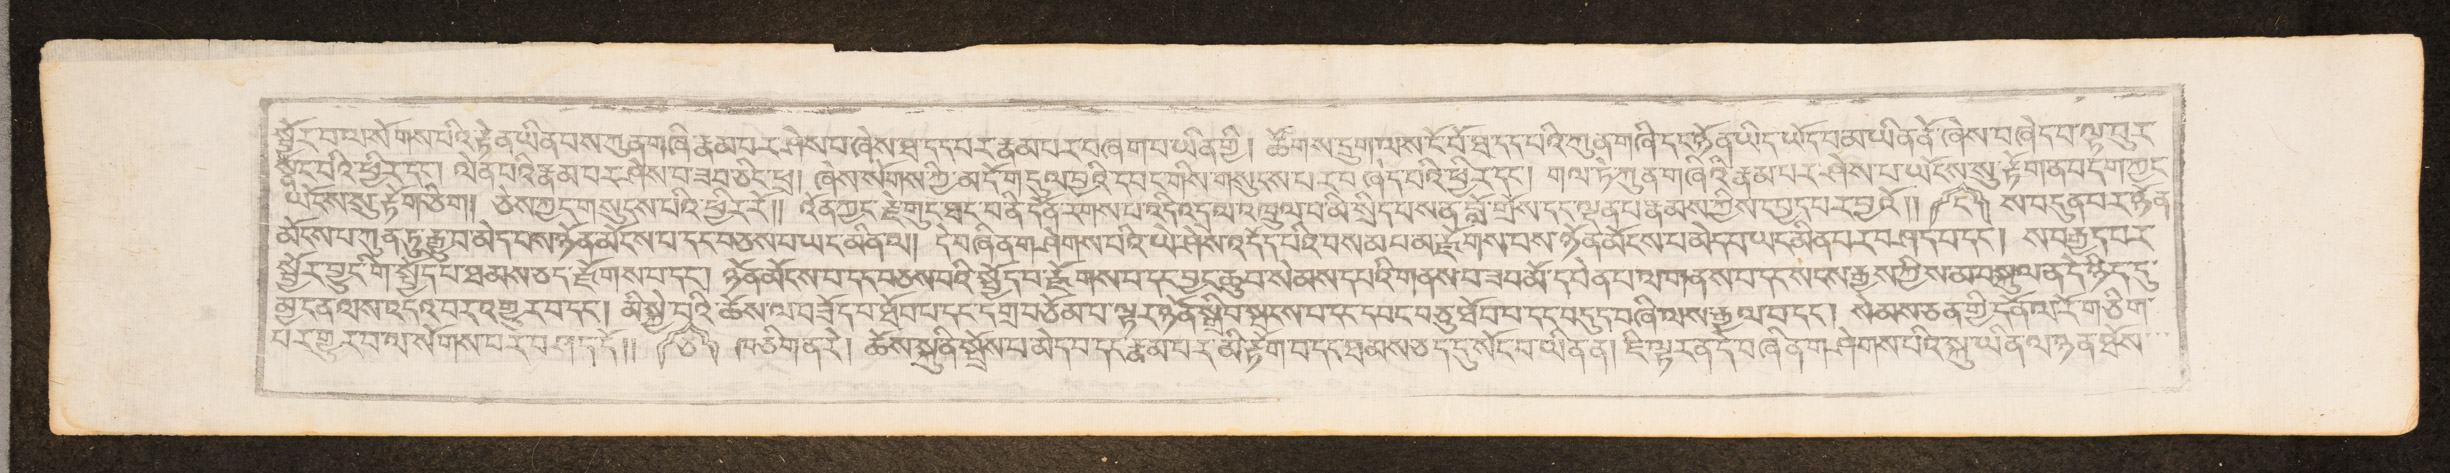སྦྱོར་བ་ལ་སོགས་པའི་རྟེན་ཡིན་པས་ཀུན་གཞི་རྣམ་པར་ཤེས་པ་ཞེས་ཐ་དད་པར་རྣམ་པར་བཞག་པ་ཡིན་གྱི། ཚོགས་དྲུག་ལས་ངོ་བོ་ཐ་དད་པའི་ཀུན་གཞི་དང་ཉོན་ཡིད་ཡོད་པ་མ་ཡིན་ནོ་ཞེས་བཞེད་པ་ལྟ་བུར་
སྣང་བའི་ཕྱིར་དང་། ལེན་བའི་རྣམ་པར་ཤེས་པ་ཟབ་ཅིང་ཕྲ། ཞེས་སོགས་ཀྱི་མདོ་གདུལ་བྱའི་དབང་གིས་གསུངས་པར་བཞེད་པའི་ཕྱིར་དང་། གལ་ཏེ་ཀུན་གཞིའི་རྣམ་པར་ཤེས་པ་ཡོངས་སུ་རྟོག་ན་བདག་ཀྱང་
ཡོངས་སུ་རྟོག་ཅིག། ཅེས་ཀྱང་གསུངས་པའི་ཕྱིར་རོ།། འོན་ཀྱང་རྗེ་གུང་ཐང་པ་ནི་དོན་རགས་པ་འདི་འདྲ་ལ་འཁྲུལ་བ་མི་སྲིད་པས་ན་བློ་གྲོས་དང་ལྡན་པ་རྣམས་ཀྱིས་དཔྱད་པར་བྱའོ།། ༼༽ང༼༽ ས་བདུན་པར་ཉོན་
མོངས་པ་ཀུན་ཏུ་རྒྱུ་བ་མེད་པས་ཉོན་མོངས་པ་དང་བཅས་པ་ཡང་མིན་ལ། དེ་བཞིན་གཤེགས་པའི་ཡེ་ཤེས་འདོད་པའི་བསམ་པ་མ་རྫོགས་པས་ཉོན་མོངས་པ་མེད་པ་ཡང་མིན་པར་བཤད་པ་དང་། ས་བརྒྱད་པར་
སྦྱོར་བྱུང་གི་སྤྱོད་པ་ཐམས་ཅད་རྫོགས་པ་དང་། ཉོན་མོངས་པ་དང་བཅས་པའི་སྤྱོད་པ་རྫོགས་པ་དང་བྱུང་ཆུབ་སེམས་དཔའི་གནས་པ་ཟབ་མོ་དཔེན་པ་ལ་གནས་པ་དང་སངས་རྒྱས་ཀྱིས་མ་བསྐུལ་ན་དེ་ཉིད་དུ་
མྱ་ངན་ལས་འདའ་བར་འགྱུར་བ་དང་། མི་སྐྱེ་བའི་ཆོས་ལ་བཟོད་པ་ཐོབ་པ་དང་འདྲ་བཅོམ་པ་ལྟར་ཉོན་སྒྲིབ་སྤངས་པ་དང་དབང་བཅུ་ཐོབ་པ་དང་བདུད་བཞི་ལས་རྒྱལ་བ་དང་། སེམས་ཅན་གྱི་དོན་ལ་རོ་གཅིག་
པར་གྱུར་བ་ལ་སོགས་པར་བཤད་དོ།། ༼༽ཅ༼༽ ཁ་ཅིག་ན་རེ། ཆོས་སྐུ་ནི་སྤྲོས་པ་མེད་པ་དང་རྣམ་པར་མི་རྟོག་པ་དང་ཐམས་ཅད་དུ་སོང་བ་ཡིན་ན། ཇི་ལྟར་ན་དེ་བཞིན་གཤེགས་པའི་སྐུ་ཡིན་ལ་ཉན་ཐོས་